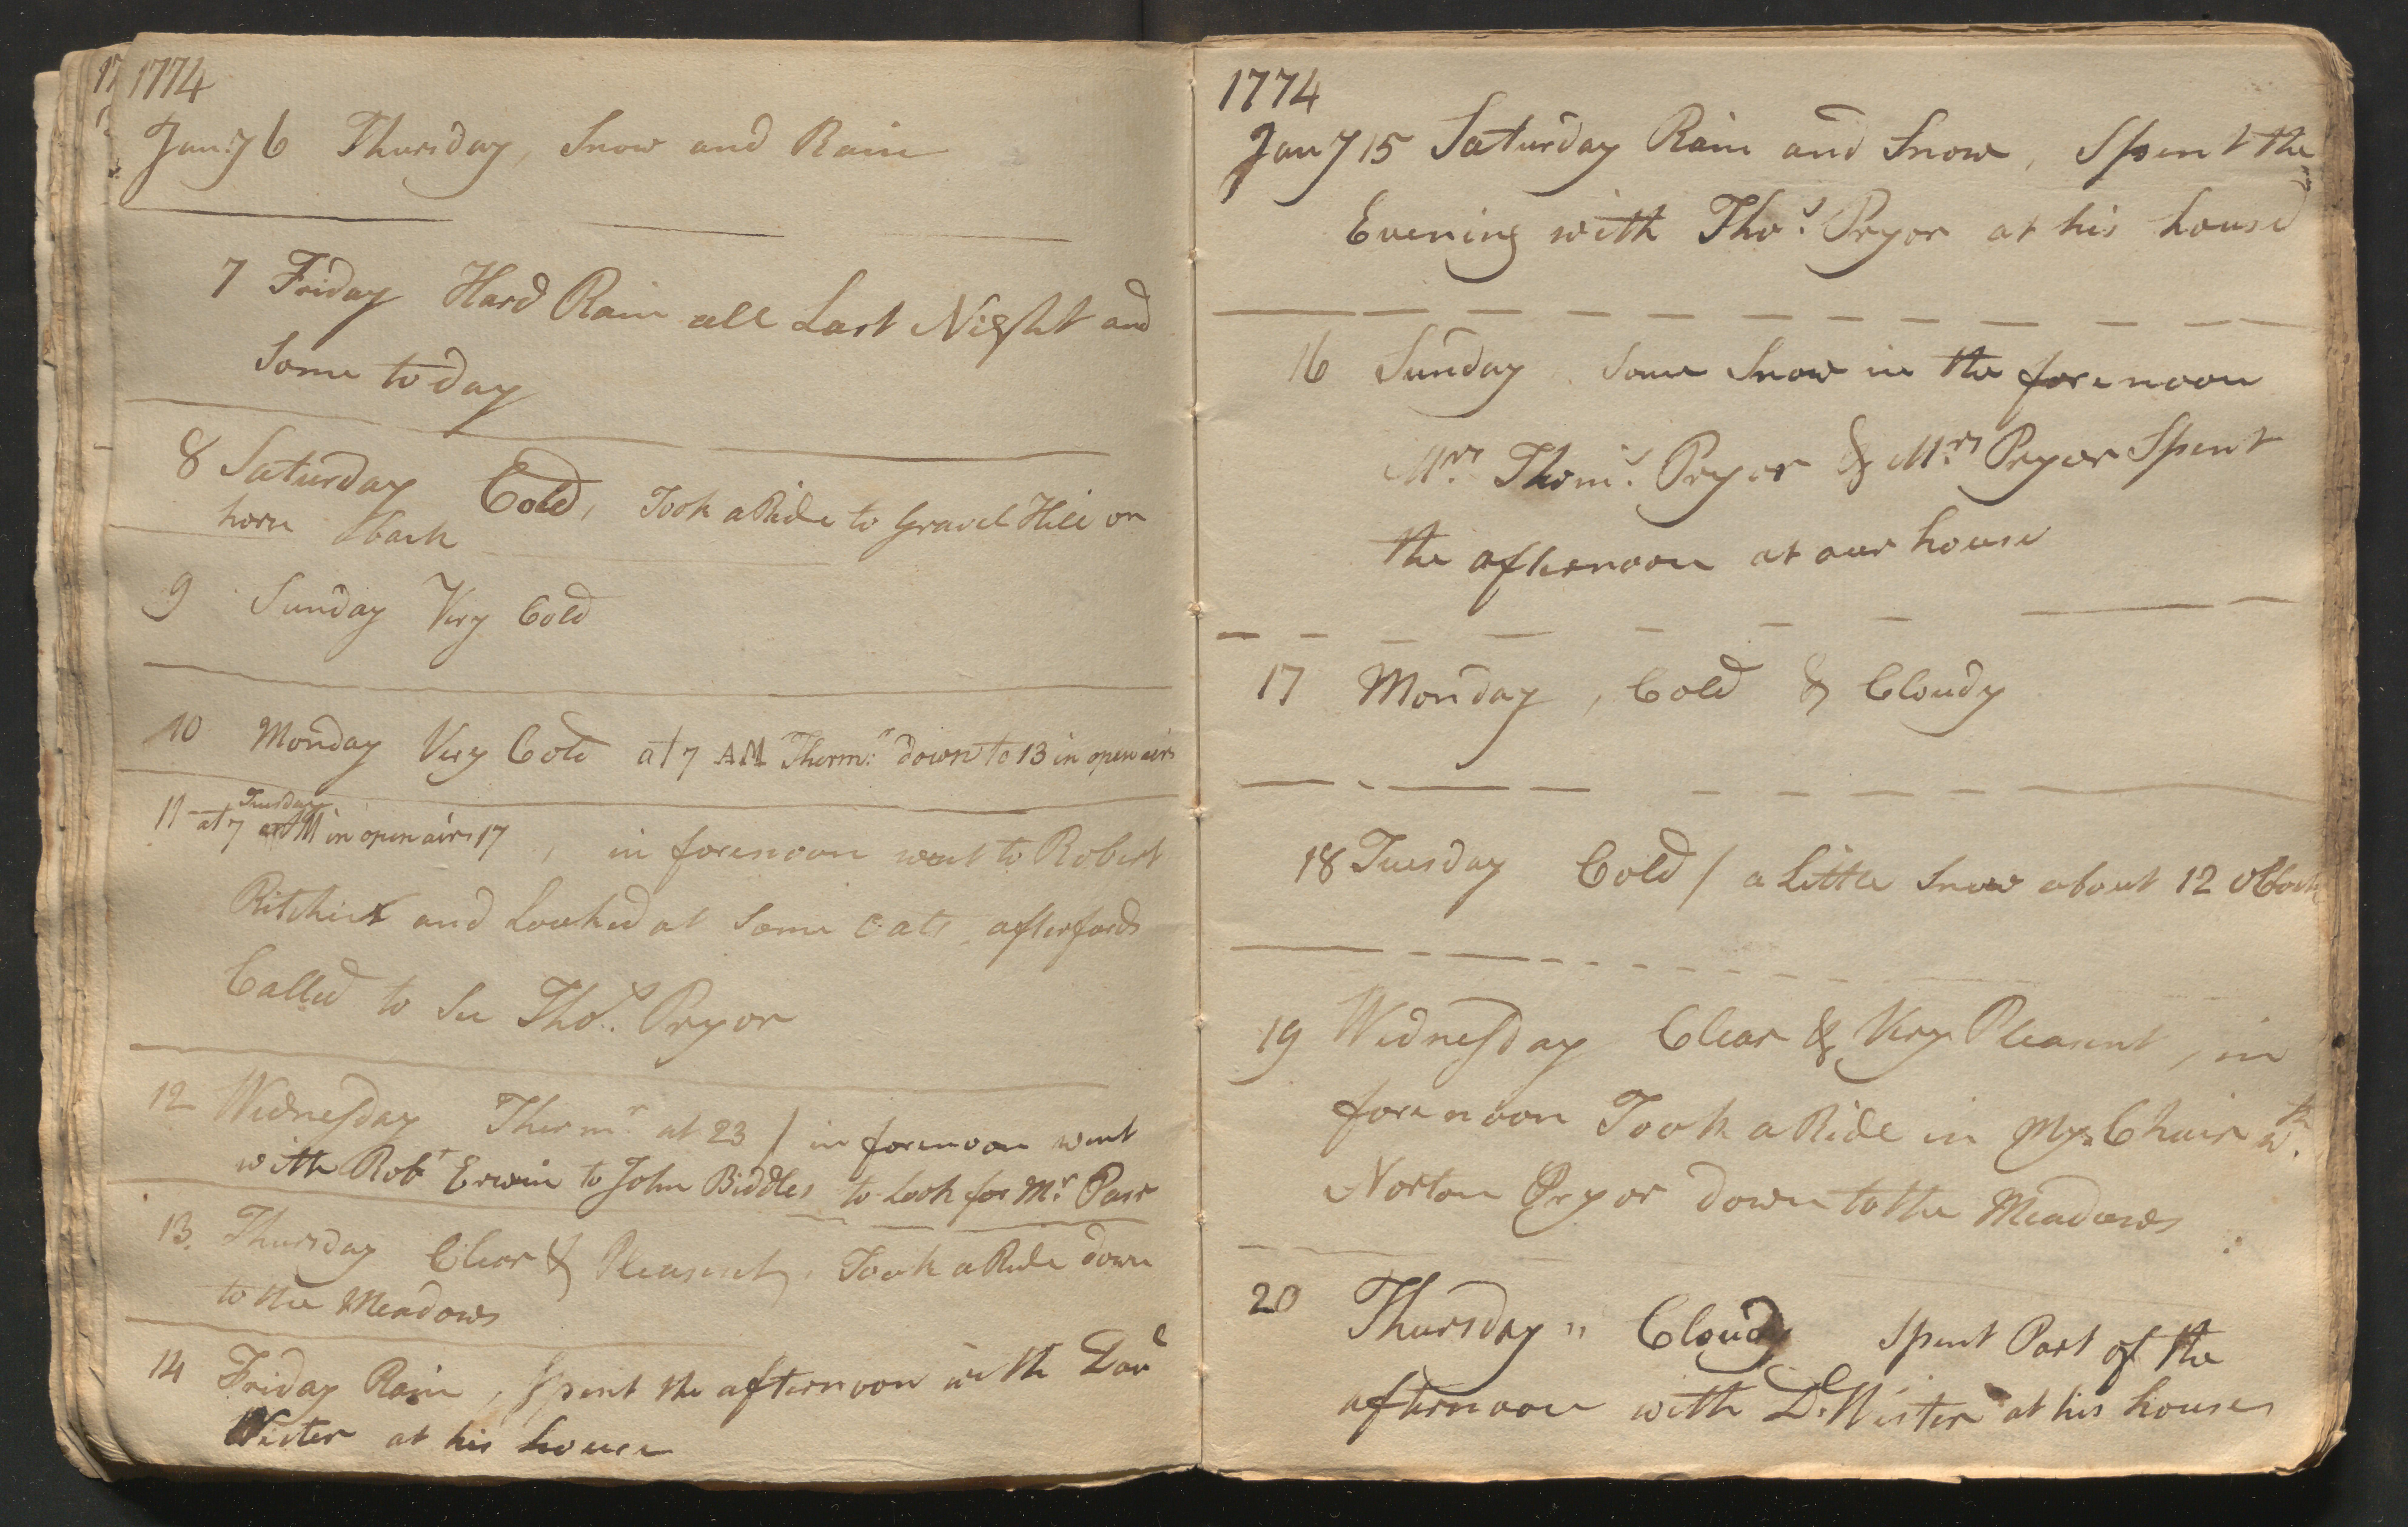1774
Jan^y. 6 Thursday Snow and Rain
7 Faiday Hard Rain all Last Night and
some today
8 Saturday Cold, Took a Ride to Gravel Hill on
horse back
9 Sunday Very Cold
10 Monday Vesy Cold at 7 AM Thermr: down to 13 in open air
11 at 7 AM in open air 17, in forenoon went to Robert
Ritchies and Looked at some Cats afterfords
Called to see Tho^s. Pryor
2 Wednesday Therm^r. at 23 / in forenoon went
with Rob^t Erwin to John Biddles to Look for M^r. Parr
13. Thursday Clear & Pleasent, Took a Ride down
to the Meadows
14 Friday Rain, spent the afternoon with Dan^l
Wister at his house
1774
Jan^y 15 Saturday Rain and Snow Spent the
Evening with Tho^s. Pryor at his house
16 Sunday Some Snow in the forenoon
M^r. Thom^s. Pryor & M^rs. Pryor Spent
the afternoon at our house
17 Monday, Cold & Cloudy
18 Tuesday Cold / a Little snow about 12 oClock
19 Wednessay Clear & Very Pleasent, in
forenoon Took a Ride in My. Chair w^th.
Norton Pryor down to the Meadows
20
Thursday.. Clouds spent Part of the
afternoon with D^r. Wister at his house